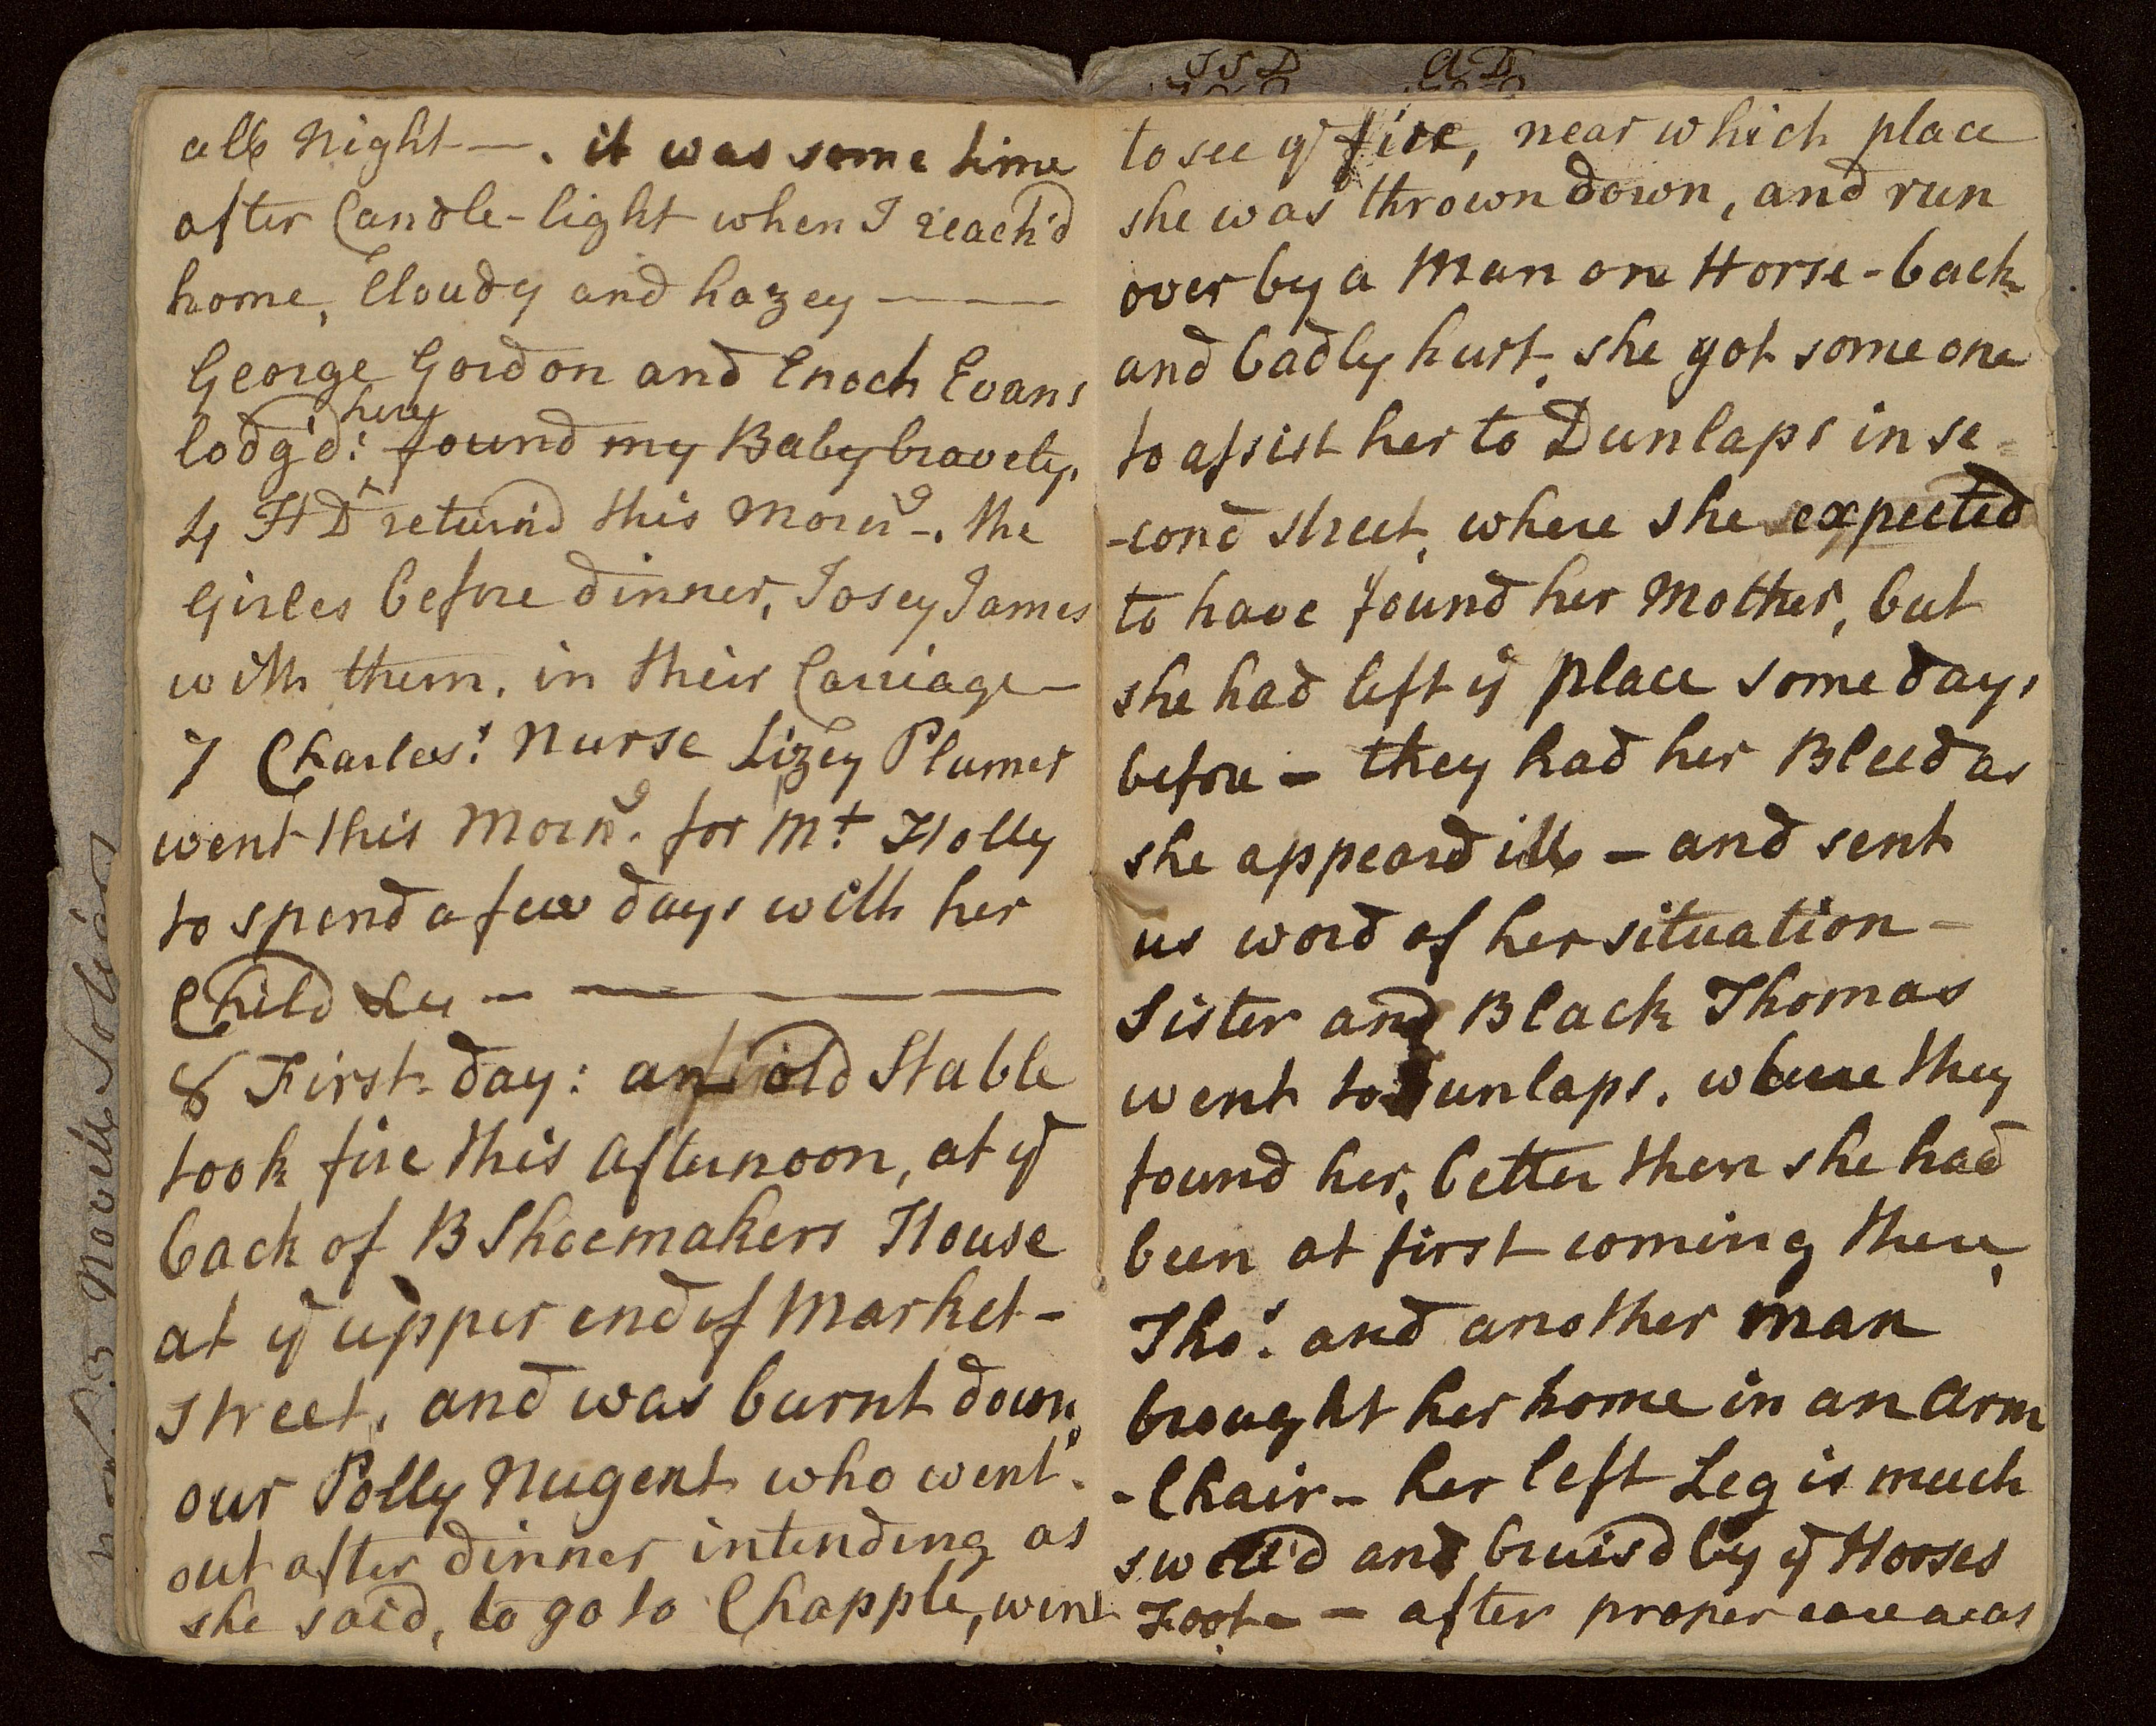all night--. it was some time
after Candle-light when I reach'd
home, Cloudy and hazey--
George Gordon and Enoch Evans
here
lodg'd: found my Baby bravely,
4 HD return'd this morn^g-. the
Girles before dinner, Josey James
with them, in their Carriage-
7 Charles^s. Nurse Lizey Plumes
went this morn^g. for Mt Holly
to spend a few days with her
Child &c -
8 First day: an old Stable
took fire this afternoon, at y^e
back of B Shoemakers House
at y^e upper end of Market-
Street, and was burnt down,
our Polly Nugent who went.
out after dinner intending as
she said, to go to Chapple, went
to see y^e fire, near which place
she was thrown down, and run
over by a man on Horse- back
and badly hurt. she got someone
to assist her to Dunlaps in se-
-cond street, where she expected
to have found her Mother, but
she had left y^e place some days
before- they had her Bleed as
she appeard ill- and sent
us word of her situation-
Sister an Black Thomas
went to Dunlaps, where they
found her, better then she had
been at first coming there,
Tho^s. and another man
brought her home in an arm
-Chair- her left Leg is much
swell'd and bruisd by y^e Horses
Foot- after proper care a as